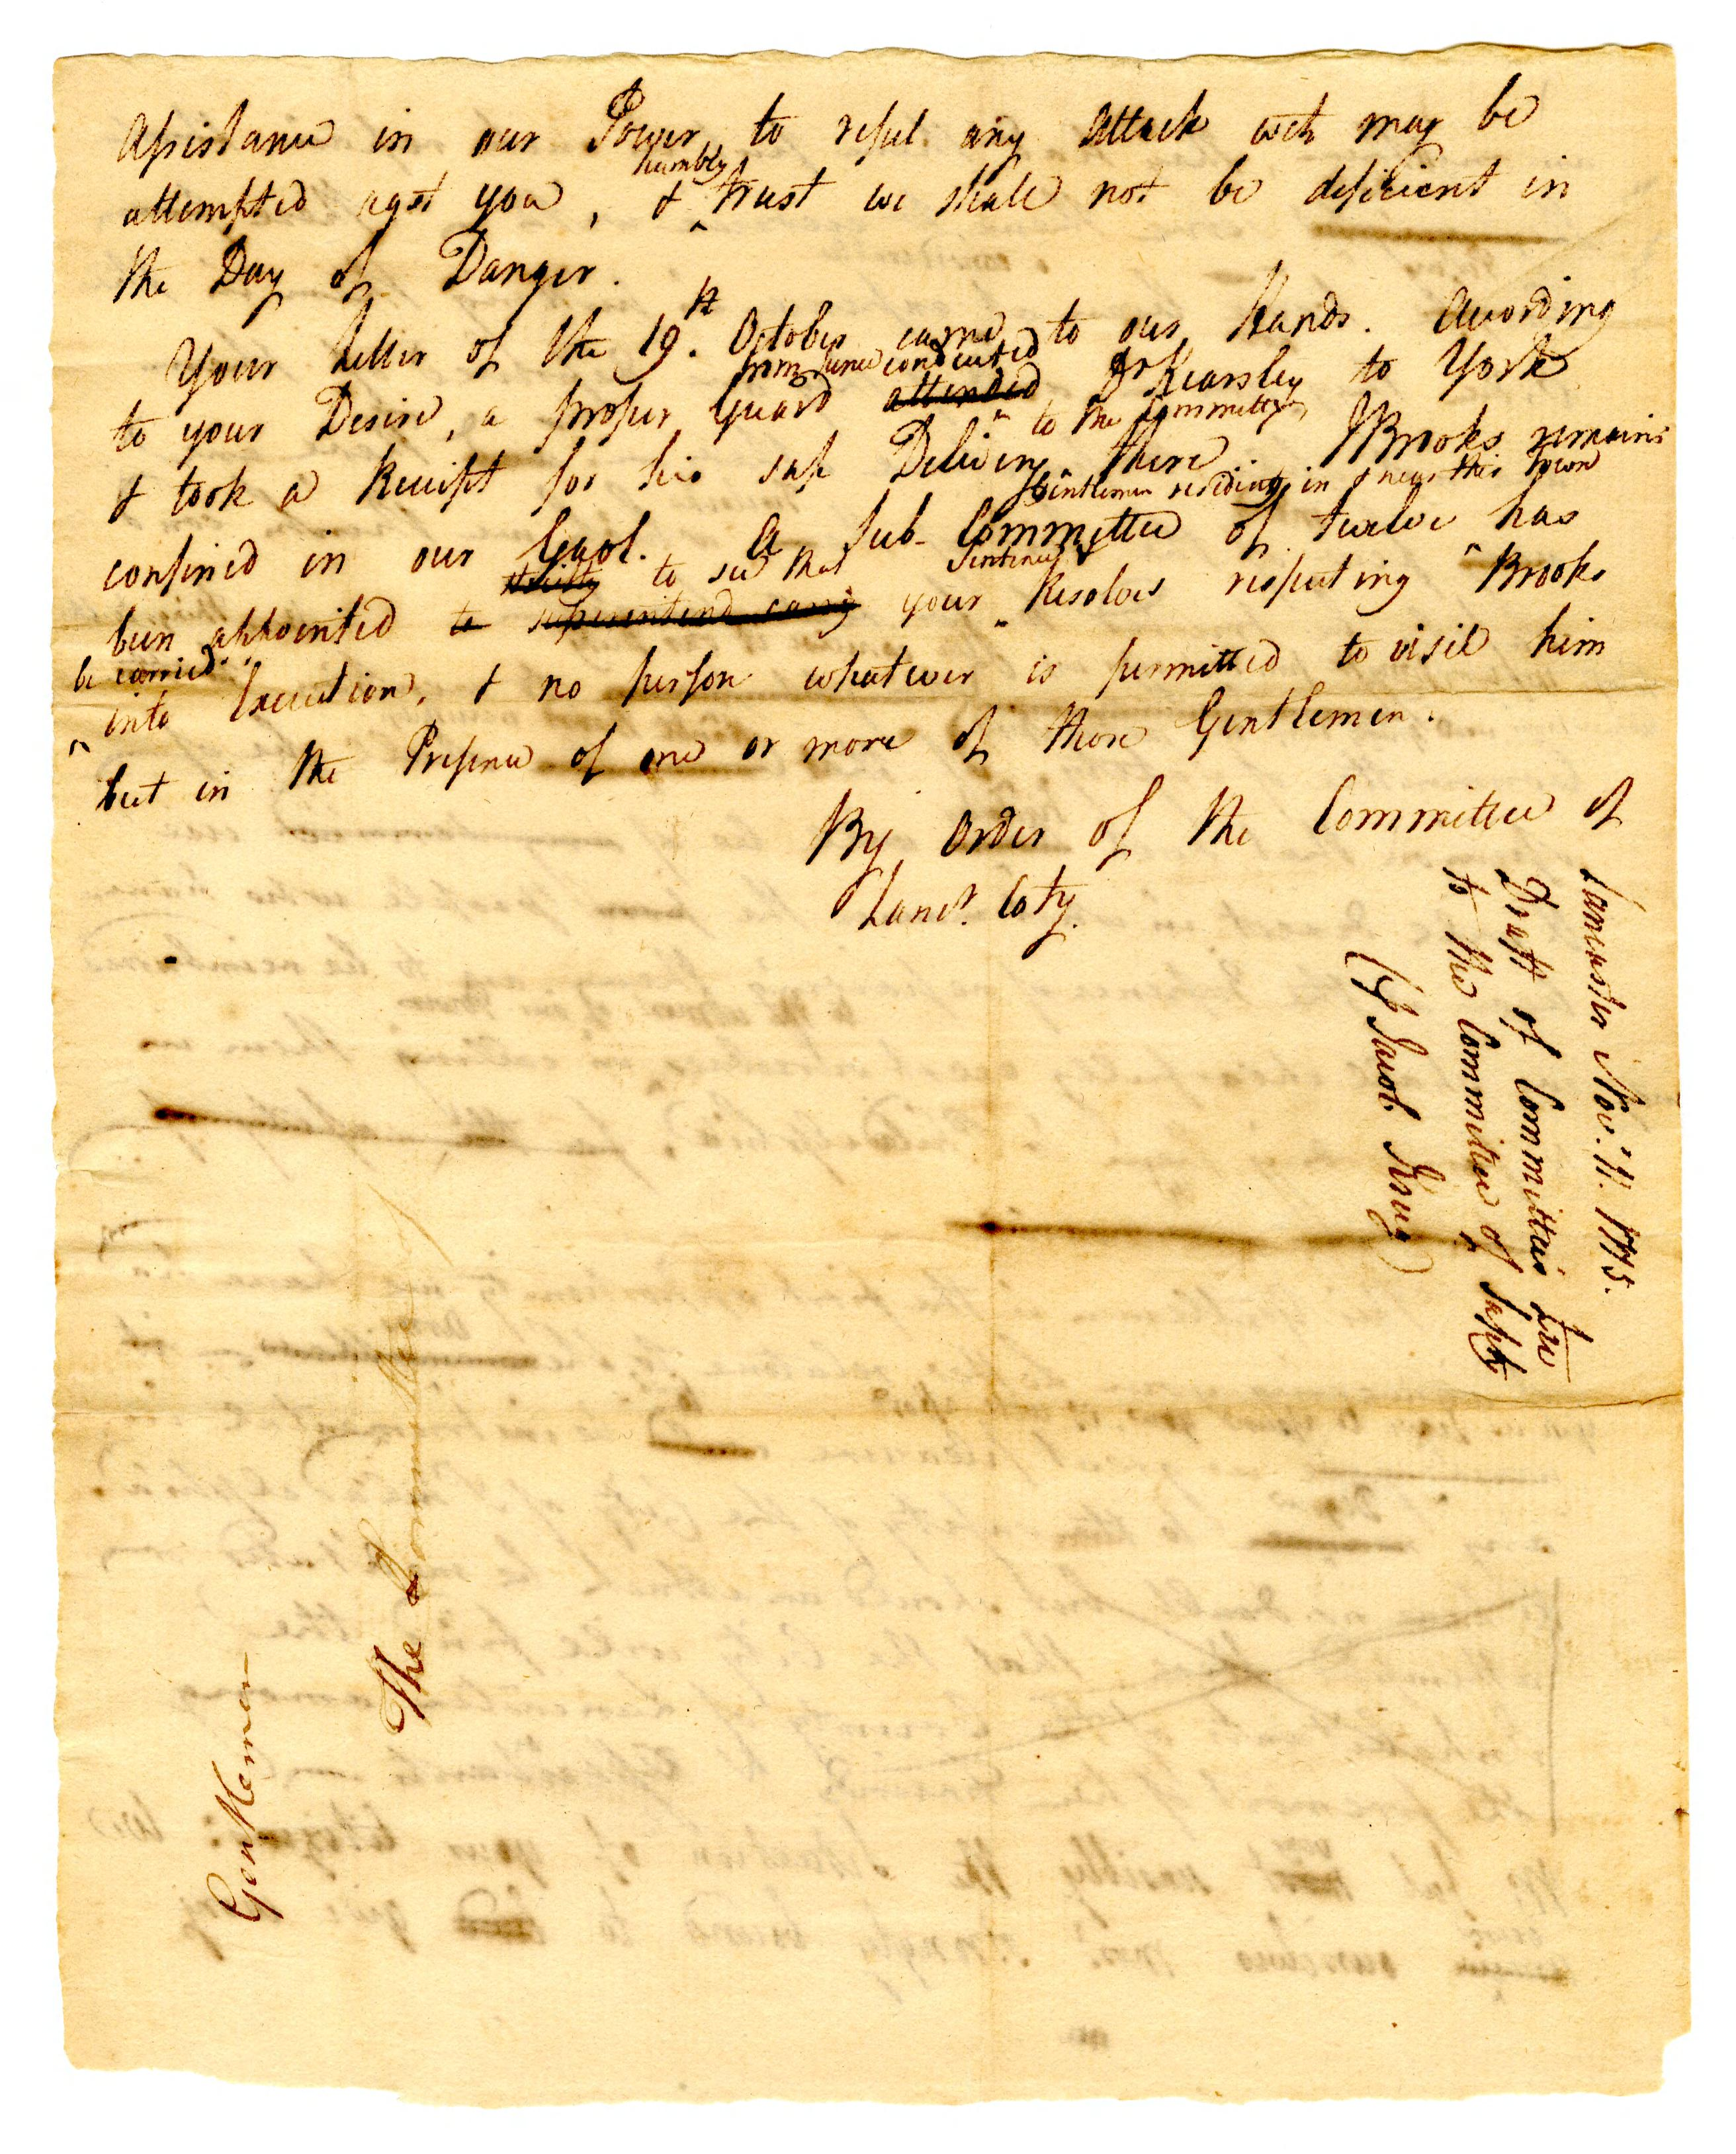Assistance in our Power, to repel any Attack wch may be
humbly
attempted to get you, & ^ trust we shall not be deficient in
the Day of Danger.
Your Letter of the 19^th. October came to our hands. According
from since conducted
to your Desire a proper Guard attended D^r Kearsley to York
to the Committee
& took a Receipt for his sap Delivery ^ there. J Brooks remains
Gentlemen resident in & near this Town
confined in our Gaol. A Sub. Committee of Twelve ^ has
thirty to see that
Sentence
been appointed to [superintend] [___] your ^ Resolves respecting Brooks
be carried.
^ into Execution, & no person whatever is permitted to visit him
but in the Presence of one or more of these Gentlemen.
By Order of the Committee of
Lanc^r. Coty.
Lancaster Nov^r. 11. 1775.
Draft of Committee's Let
to the Committee of Safety
(Per Jacob Krug)
Gentlemen
The Committee of